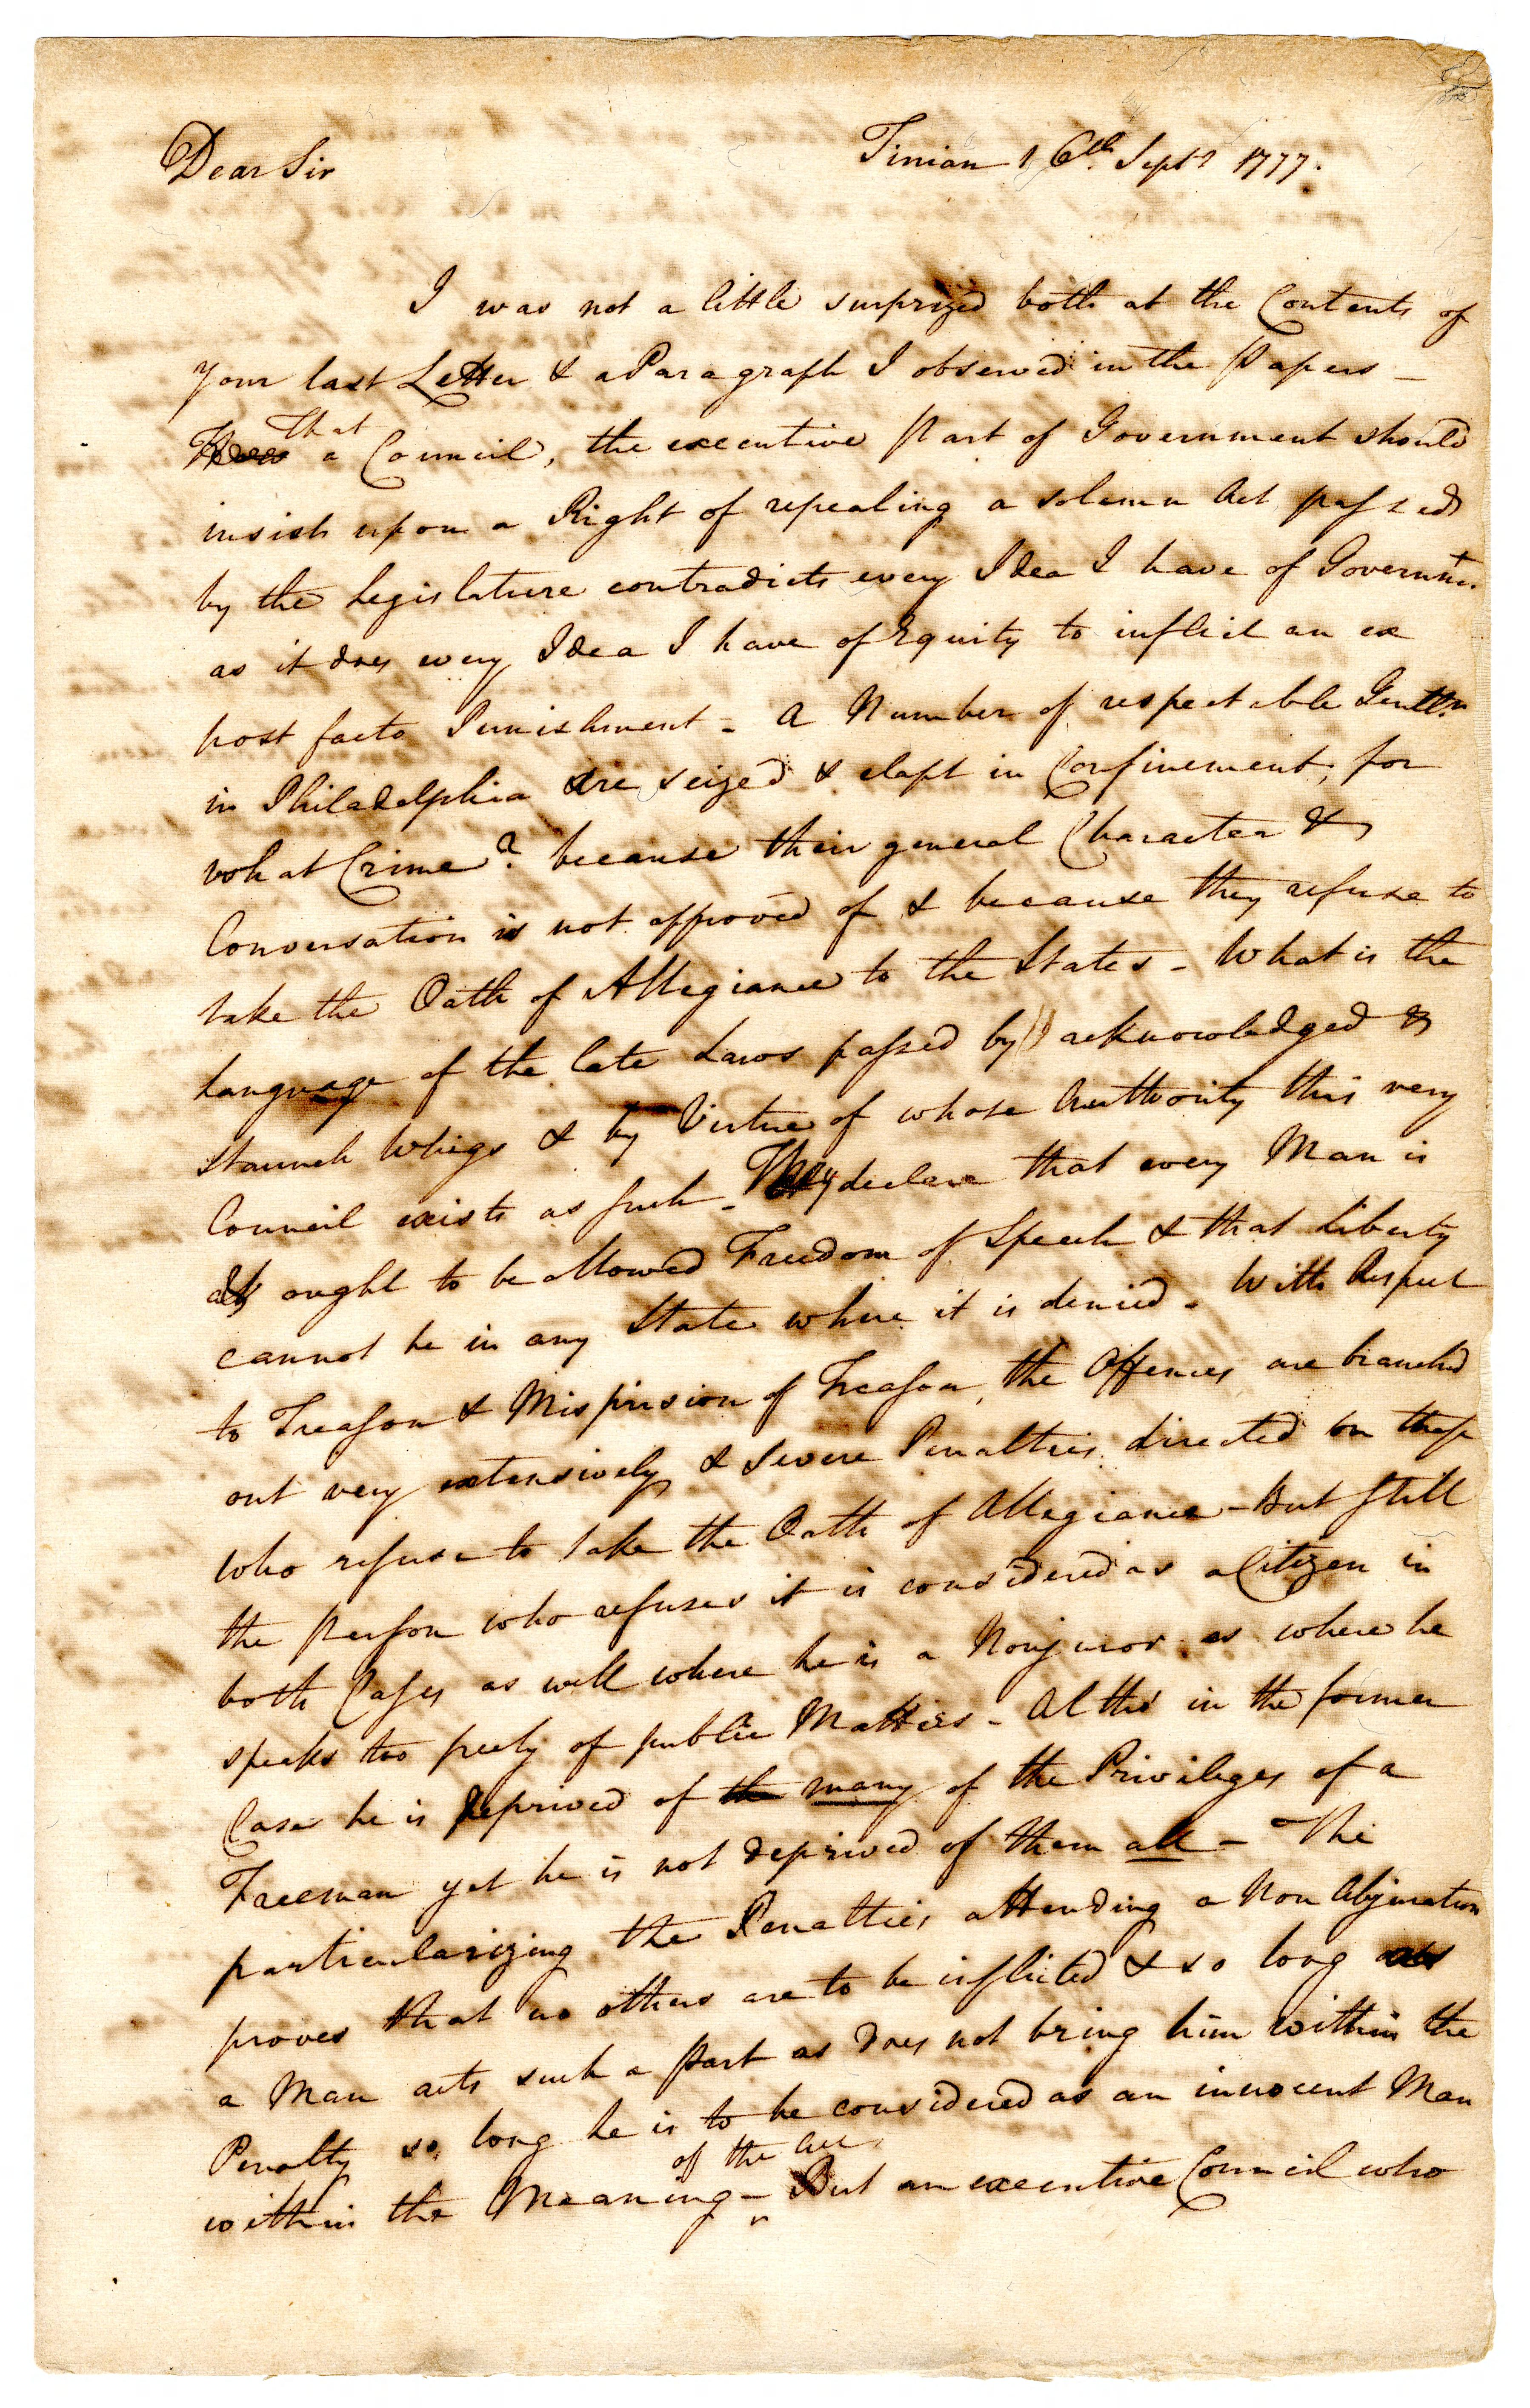Tinian 16^th. Sept^r 1777.
Dear Sir
I was not a little surprized both at the Contents of
your last Letter & a Paragraph I observed in the papers-
Here ^ a Council, the executive part of Government should
that
insist upon a Right of repealing a solemn Act passed
by the Legislature contradicts every Idea I have of Govern^t.
as it does every Idea I have of Equity to inflict an ex
post facto Punishment. A Number of respectable Gentl^n.
in Philadelphia are seized & clapt in Confinement, for
what Crime? because their general Character &
Conversation is not approved of & because they refuze to
take the Oath of Allegiance to the States. What is the
Language of the late Laws passed by acknowledged &
staunch Whigs & by Virtue of whose Authority this very
Council exists as such. They declare that every Man is
& ought to be allowed Freedom of Speech & that Liberty
cannot be in any State where it is denied. With Aspect
to Treason & Misprision of Treason, the Offences are branched
out very extensively & severe Penalties, directed on those
who refuse to take the Oath of Allegiance. But still
the Person who refuses it is considered as a Citizen in
both Cases as well where he is a Noujuror, as where he
speaks too freely of public Matters. Altho' in the former
Case he is deprived of the many of the Privileges of a
Facesuan yet he is not deprived of them all- The
particularizing the Penalties attending a Non Abjuration
proves that no other are to be inflicted & so long [___]
a man acts such a part as does not bring him within the
Penalty so long he is to be considered as an innocent Man
of the Act
within the Meaning ^. But an executive Council who